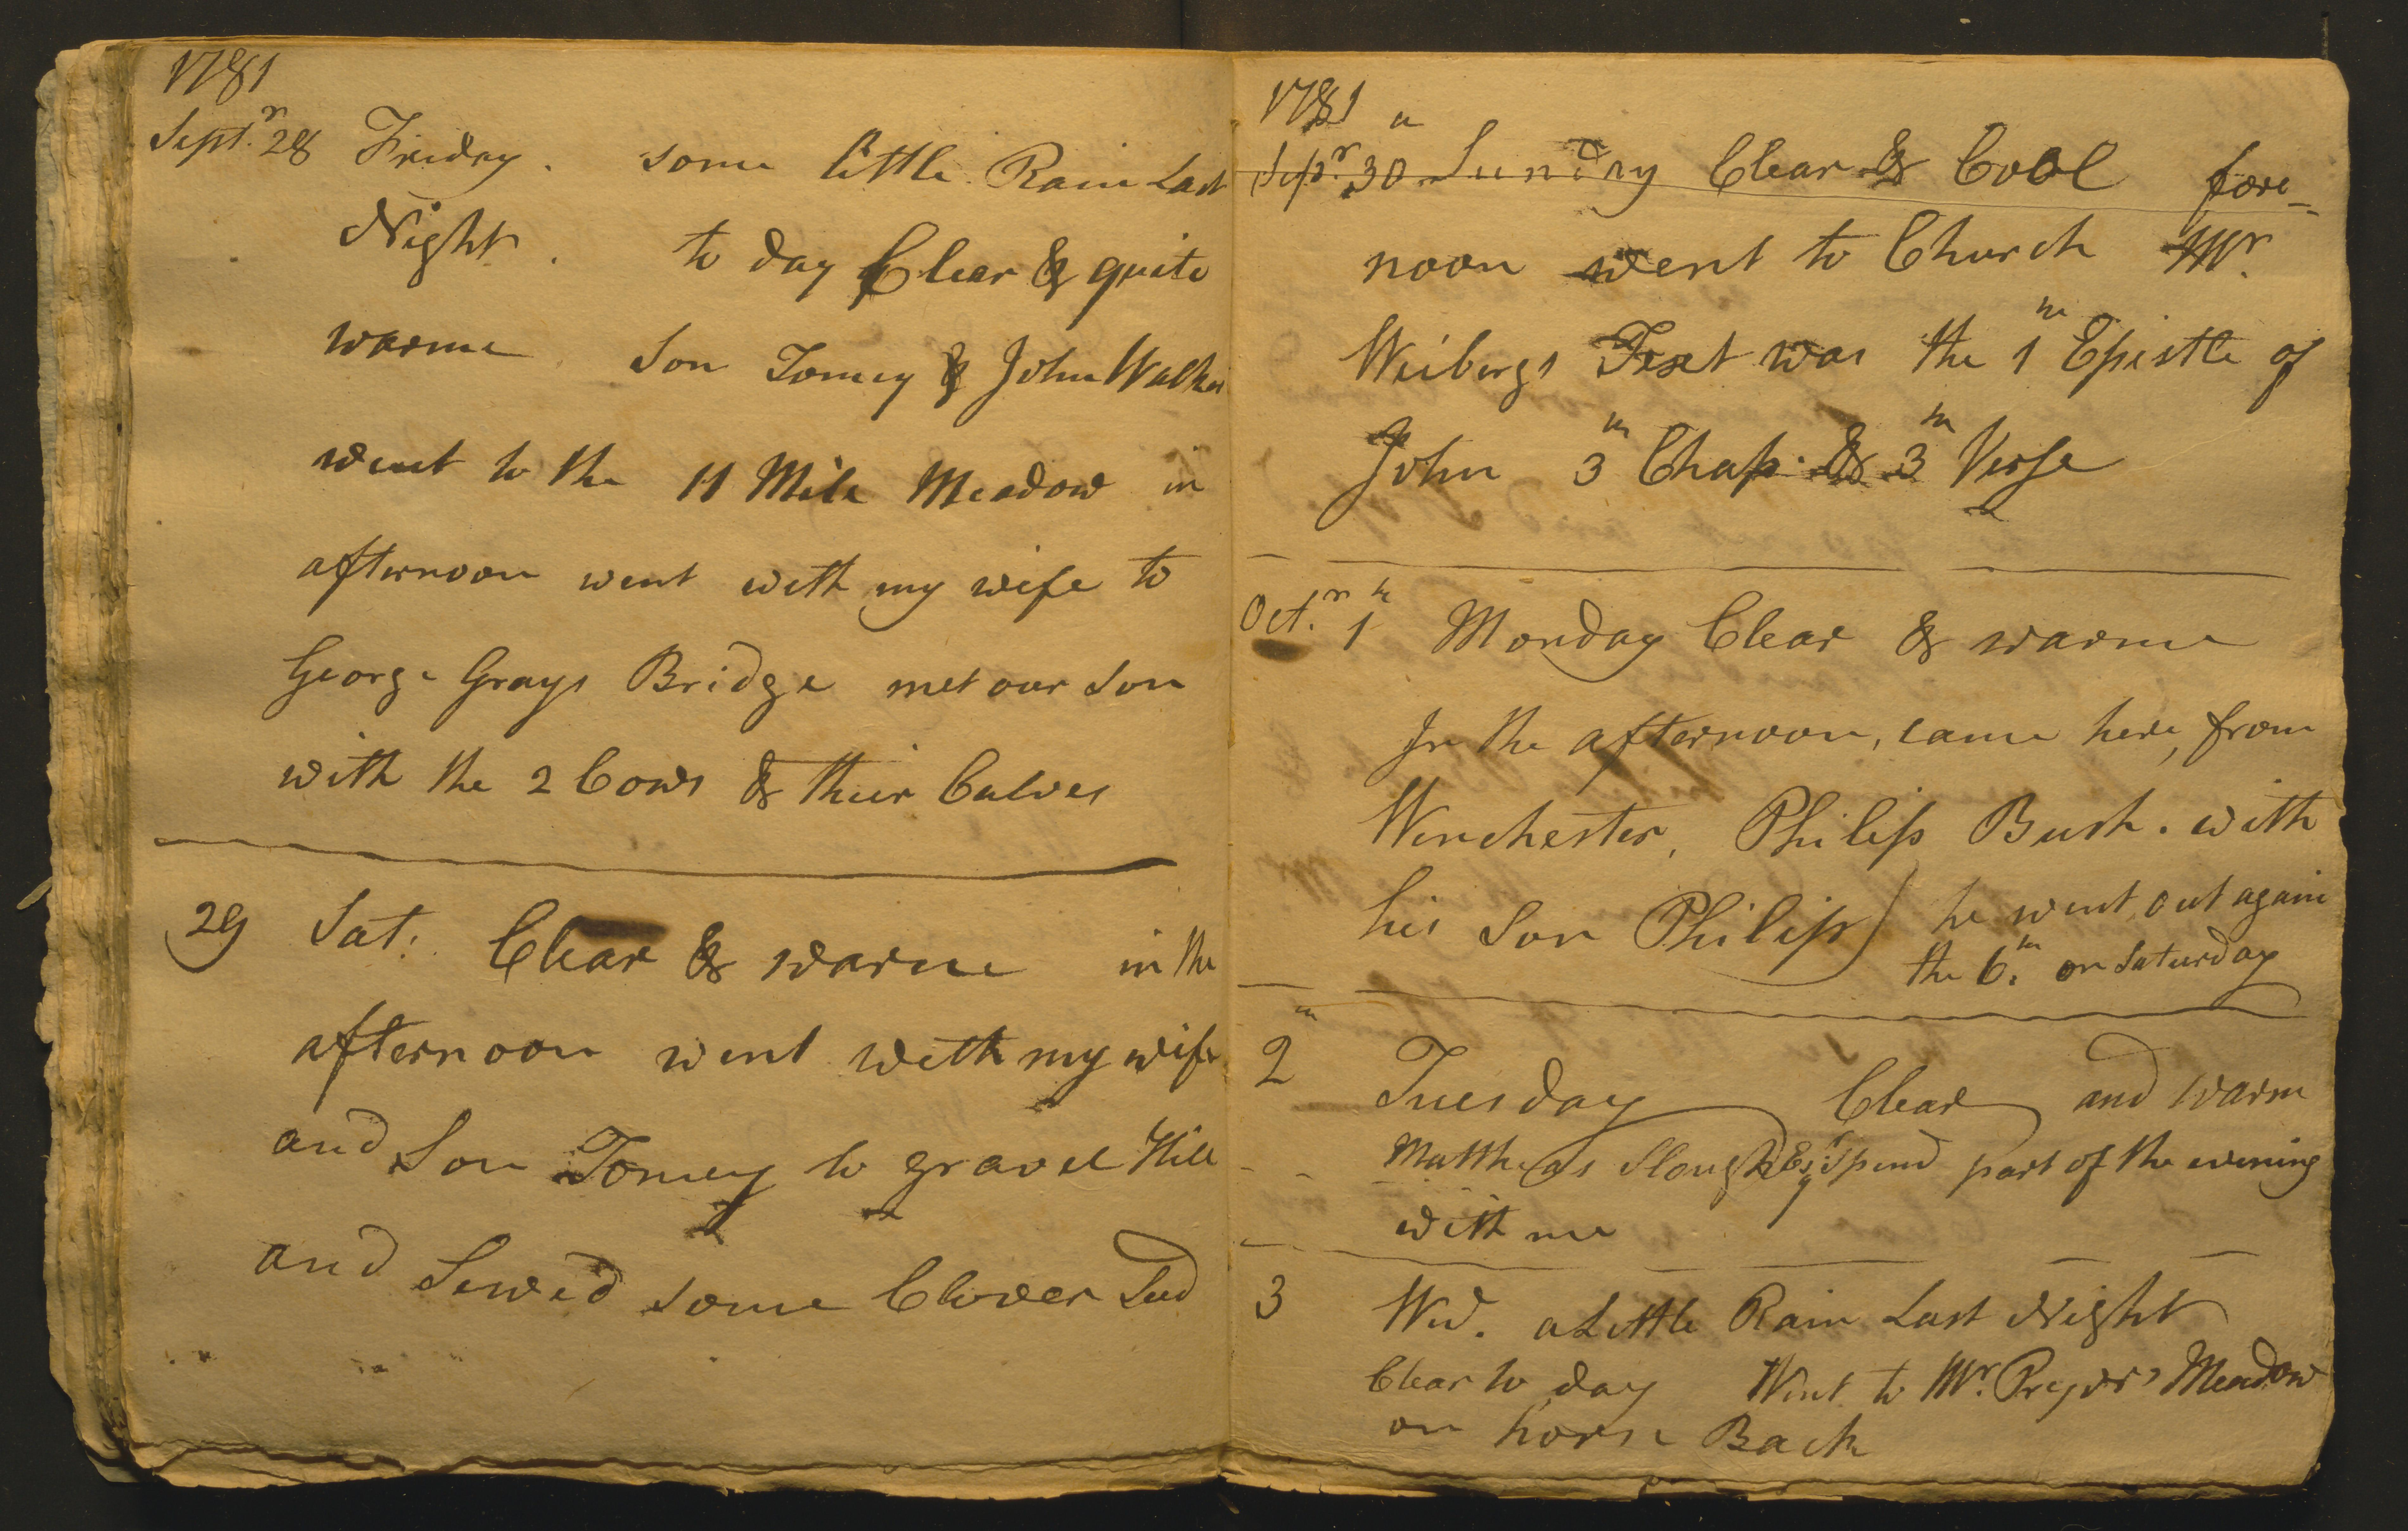1781
Sept^r. 28 Friday. some little Rain Last
Night, to day Clear & quite
warme. Son Tomey & John Walker
went to the 11 Mile Meadow in
afternoon went with my wife to
George Grays Bridge met our son
with the 2 Cows & their Calves
29 Sat. Clear & warne, in the
afternoon went with my wife
and son Tomey to gravel Hill
and sewed some Clover seed
1781
Sep^r. 30^th Sunday Clear & Cool, fore
noon went to Church M^r.
Weibergs Text was the 1^th Epistle of
John 3^th Chap. & 3^th Verse
Oct^r. 1^th Monday Clear & warme
In the afternoon, came here from
Wenchester Philip Bush. with
his Son Philip) he went out again
the 6^th. on Saturday
2^th
Tuesday- Clear and Warm
Matthias Slough Esq^r. spend part of the evening
with me
3
Wed, a Little Rain Last Night
Clear to day Went to M^r. Pryors Meadow
on horse Back